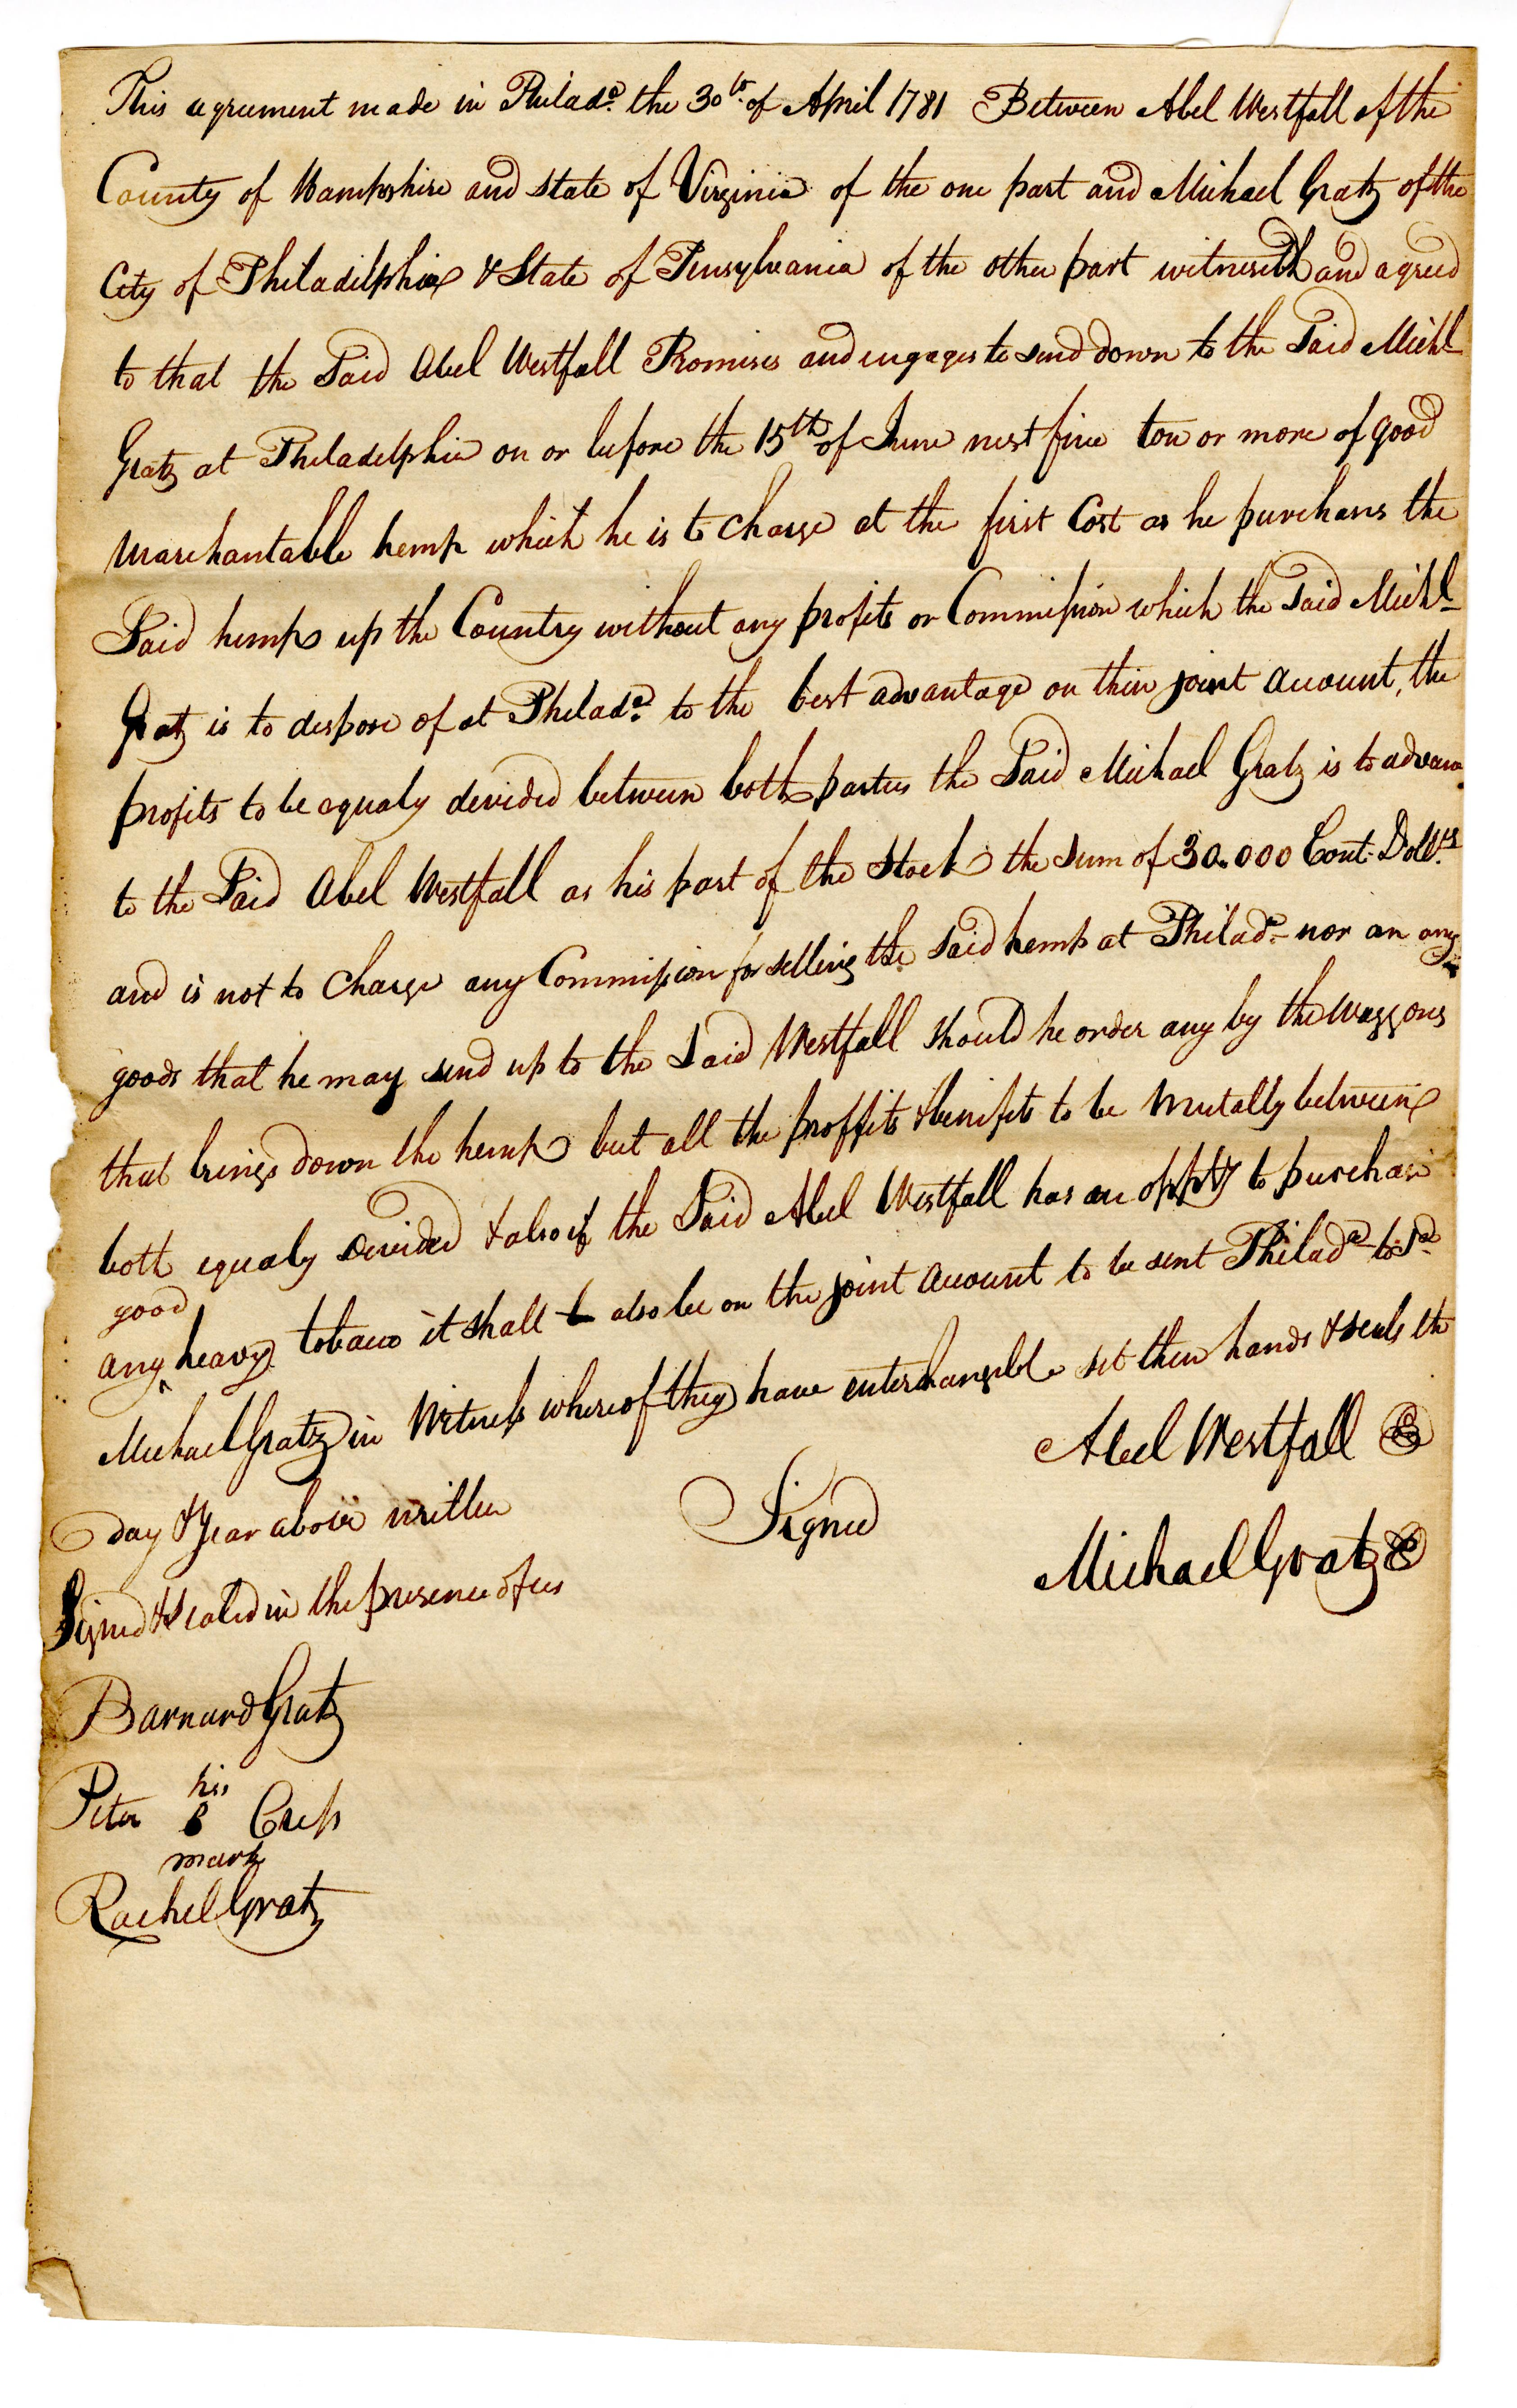This agreement made in Philad^a. the 30^h. of April 1781 Between Abel Westfall of the
County of Hampshire and state of Virginia of the one part and Michael Gratz of the`
City of Philadelphia & State of Pensylvania of the other part witnessed and agreed
to that the said Abel Westfall Promises and engages to send down to the Said Mich^l
Gratz at Philadelphia on or before the 15^th of June next five ton or more of good
marchantable hemp which he is to charge at the first Cost as he purchases the
said hemp up the Country without any profit or Commission which the said Mich^l
Gratz, is to dispose of at Philad^a. to the best advantage on their joint account, the
profits to be equaly devided between both parties the Said Michael Grztz is to advance
to the said Abel Westfall as his part of the Stock the sum of 30,000 Cont Doll^rs
and is not to Charge any Commission for selling the said hemp at Philad^a. nor an any
goods that he may send up to the Said Westfall should he order any by the Waggons
that brings down the hemp but all the the proffits therefor to be mutually between'
both equaly divided & all of the Said Abel Westfall has an opp^ty to purchase
good
any heavy tobacco it shall also be on the joint account to be sent Philad^a. tod^da
Michael Gratz in Witness whereof they have enterchangeble set there hands & seals at
day & year above written
Signed
Abel Westfall
Michael Gratz
Signed & called in the presence of
Barnard Gratz
his
Peter P Cress
Mark
Rachel Gratz